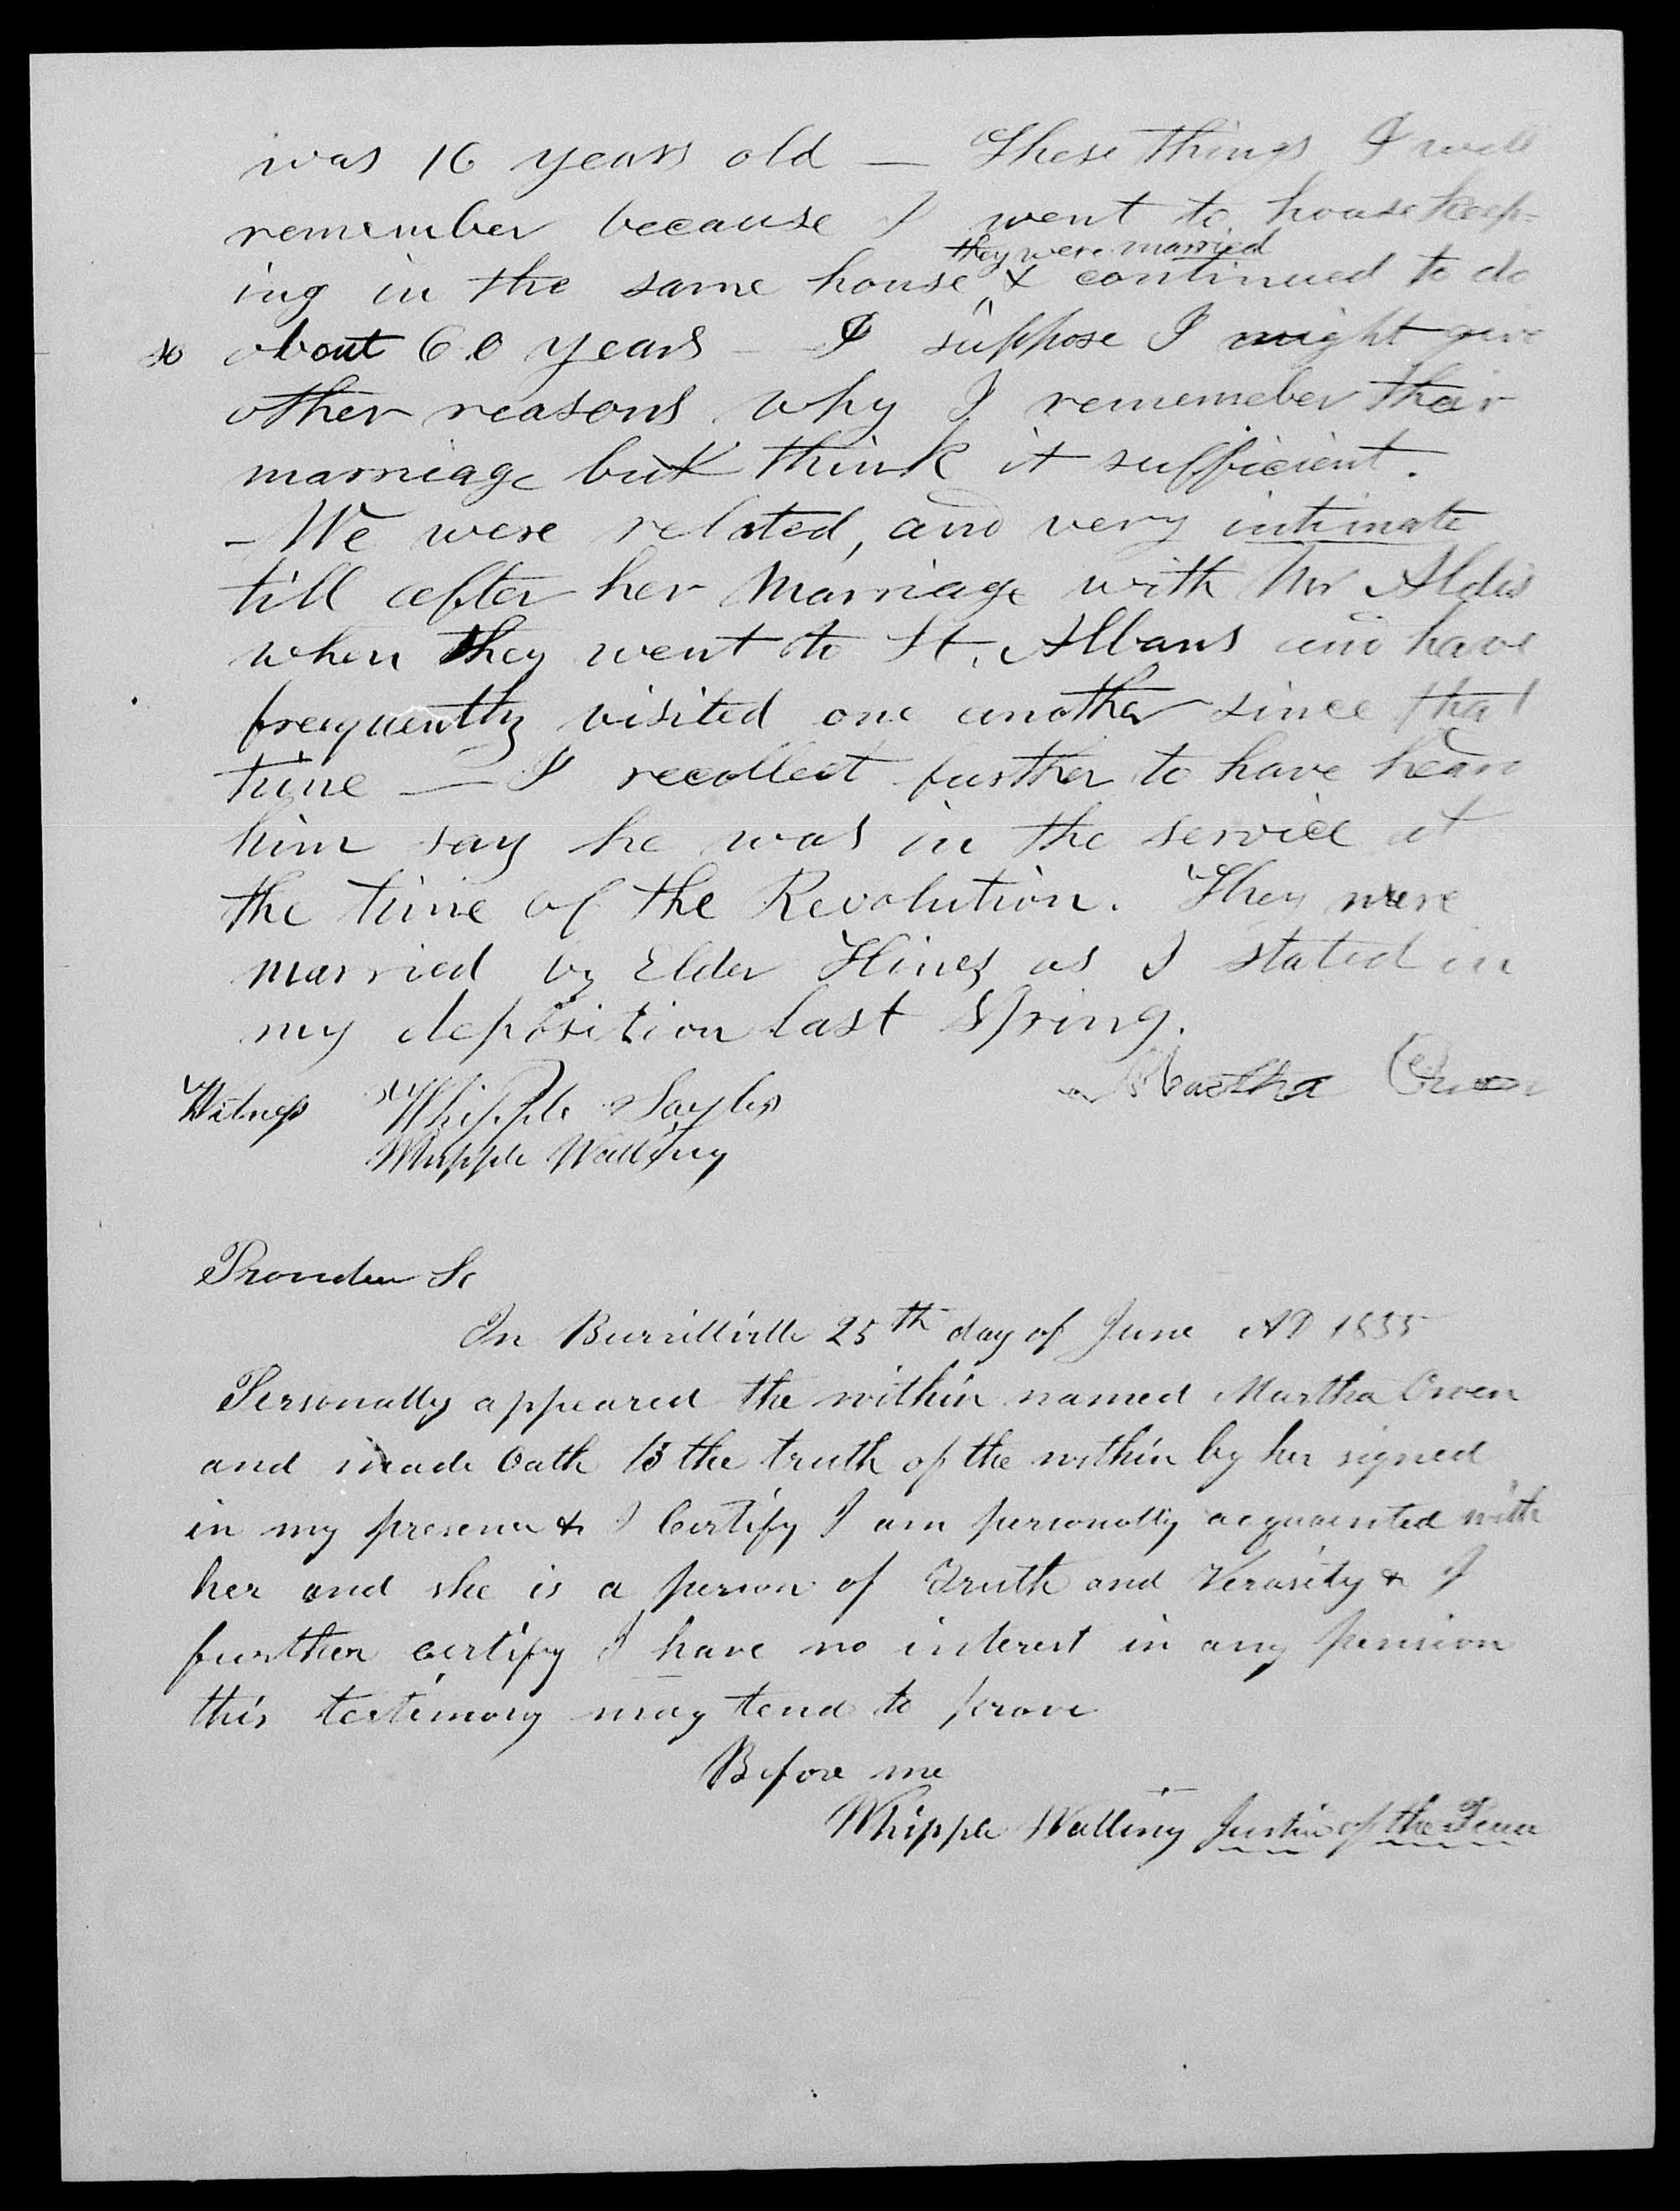was 16 years old. These things I well
remember because I went to housekeeping 
in the same house they were married & continued to do
so about 60 years-- I suppose I might give
other reasons why I remember that
marriage but think it sufficient.
We were related, and very intimate
till after her marriage with Mr. Aldis
when they went to St. Albans and have
frequently visited one another since that
time. I recollect further to have heard
him say he was in the service at
the time of the Revolution. They were
married by Elder Hines as I stated in
my deposition last spring. 
Martha Owen
Witness
Whipple Sayles
Whipple Walling
Providence
In Burrillville 25th day of June A. D. 1855
Personally appeared the within named Martha Owen
and made oath to the truth of the within by her signed
in my presence & I certify I am personally acquainted with
her and she is a person of truth and veracity & I 
further certify I have no interest in any pension
this testimony may tend to prove.
Before me
Whipple Walling Justice of the Peace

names: Whipple Walling, Martha Owen, Whipple Walling, Aldis, Elder Hines, Martha Owen, Whipple Sayles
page: 16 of 76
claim: widow's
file: W. 15,517, William Gadcomb, R.I.